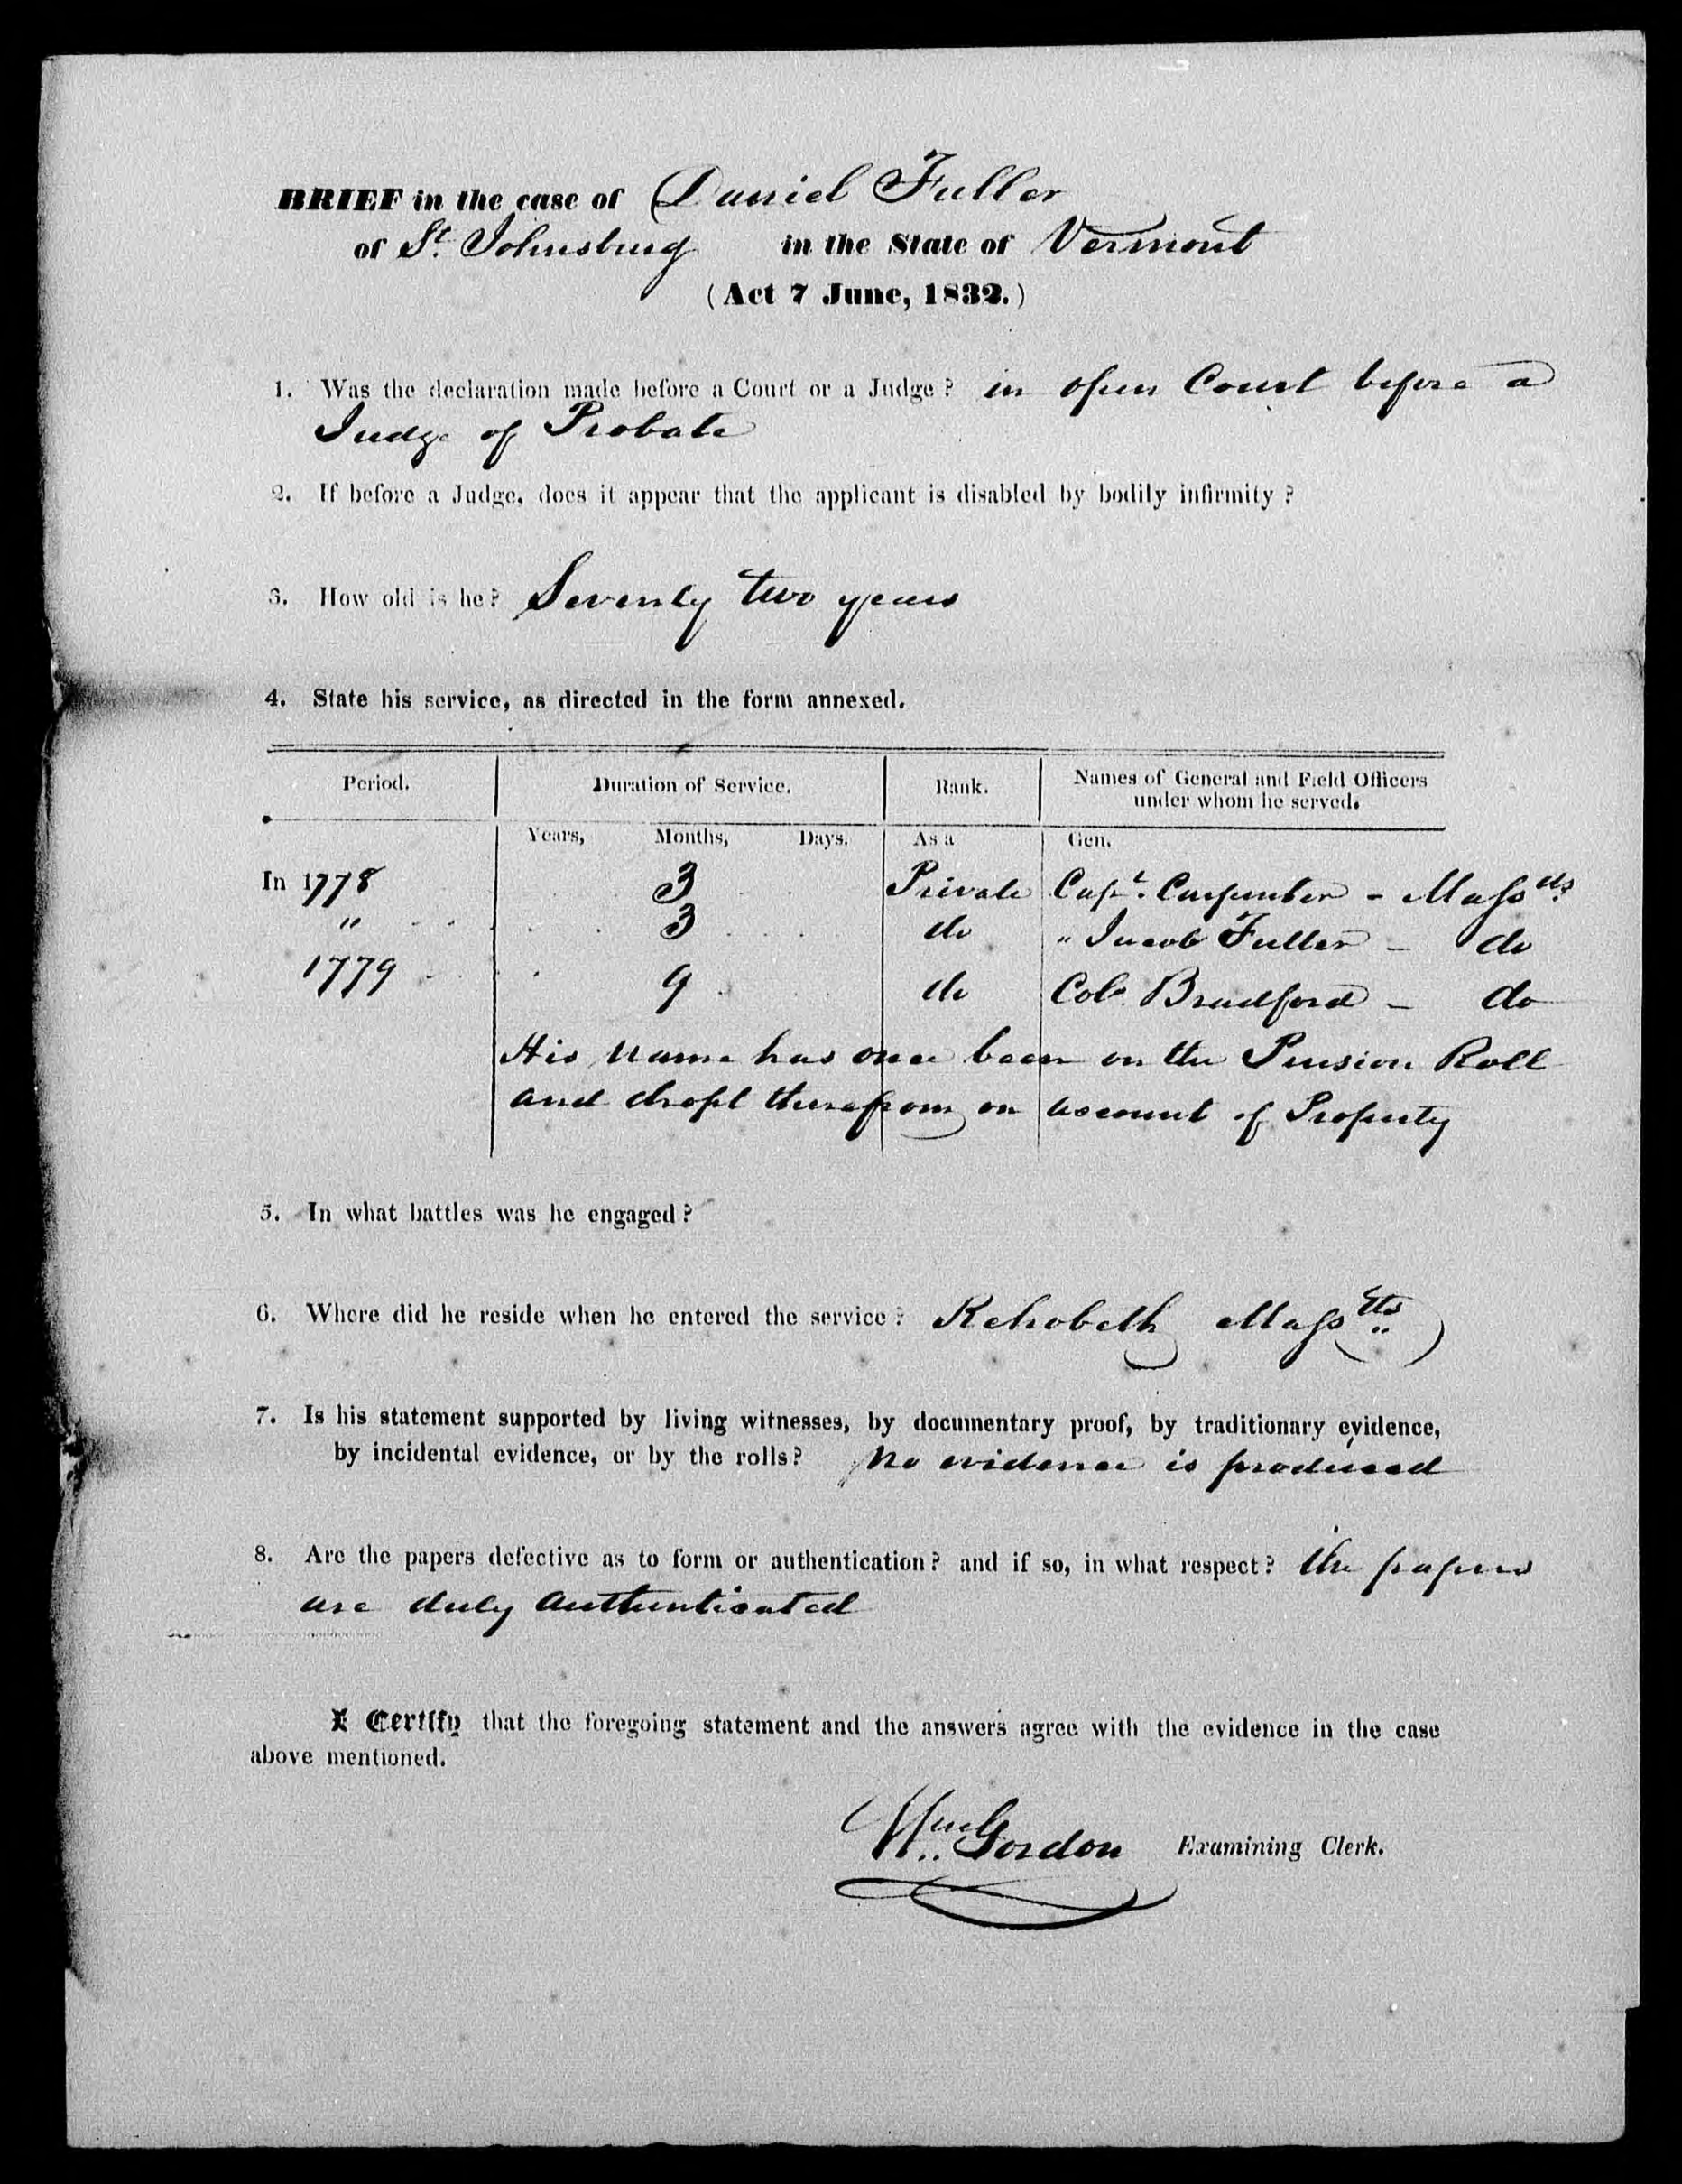BRIEF in the case of Daniel Fuller of St Johnsbury in the State of Vermont
(Act 7 June, 1832.)

1.Was the declaration made before a Court or a Judge? 
in open Court before a Judge of Probate

2. If before a Judge, does it appear that the applicant is disabled by bodily infirmity?

3.  How old is he? 
Seventy two years

4. State his service, as directed in the form annexed.
(there follows a form filled in with column heading of Period, Duration of Service in Years, Months, and Days, Rank, and Names of General and Field Officers under whom he served.)
In 1778 he served 3 months as a private under Capt. Carpenter - Massachusetts
Also in 1778 he served 9 months as a private under Col. Bradford - Massachusetts
In 1779 he served 3 months as a private under Capt. Carpenter - Massachusetts

His name has once been on the Pension Roll and dropt therefore on account of property

5. In what battles was he engaged?

6. Where did he reside when he entered the service?
Rehoboth Mass.ets

7.  Is his statement supported by living witnesses, by documentary proof, by traditionary evidence, by incidental evidence, or by the rolls?
no evidence is produced

8.  Are the papers defective as to form or authentication? and if so, in what respect? 
the papers are duly authenticated 

I certify that the foregoing statement and the answers agree with the evidence in the case above mentioned.
Wm Gordon (signed) 
Examining Clerk.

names: Carpenter, Jacob Fuller, Bradford, Daniel Fuller, Wm Gordon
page: 12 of 29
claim: survivor's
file: S. 18830, Daniel Fuller, Mass.